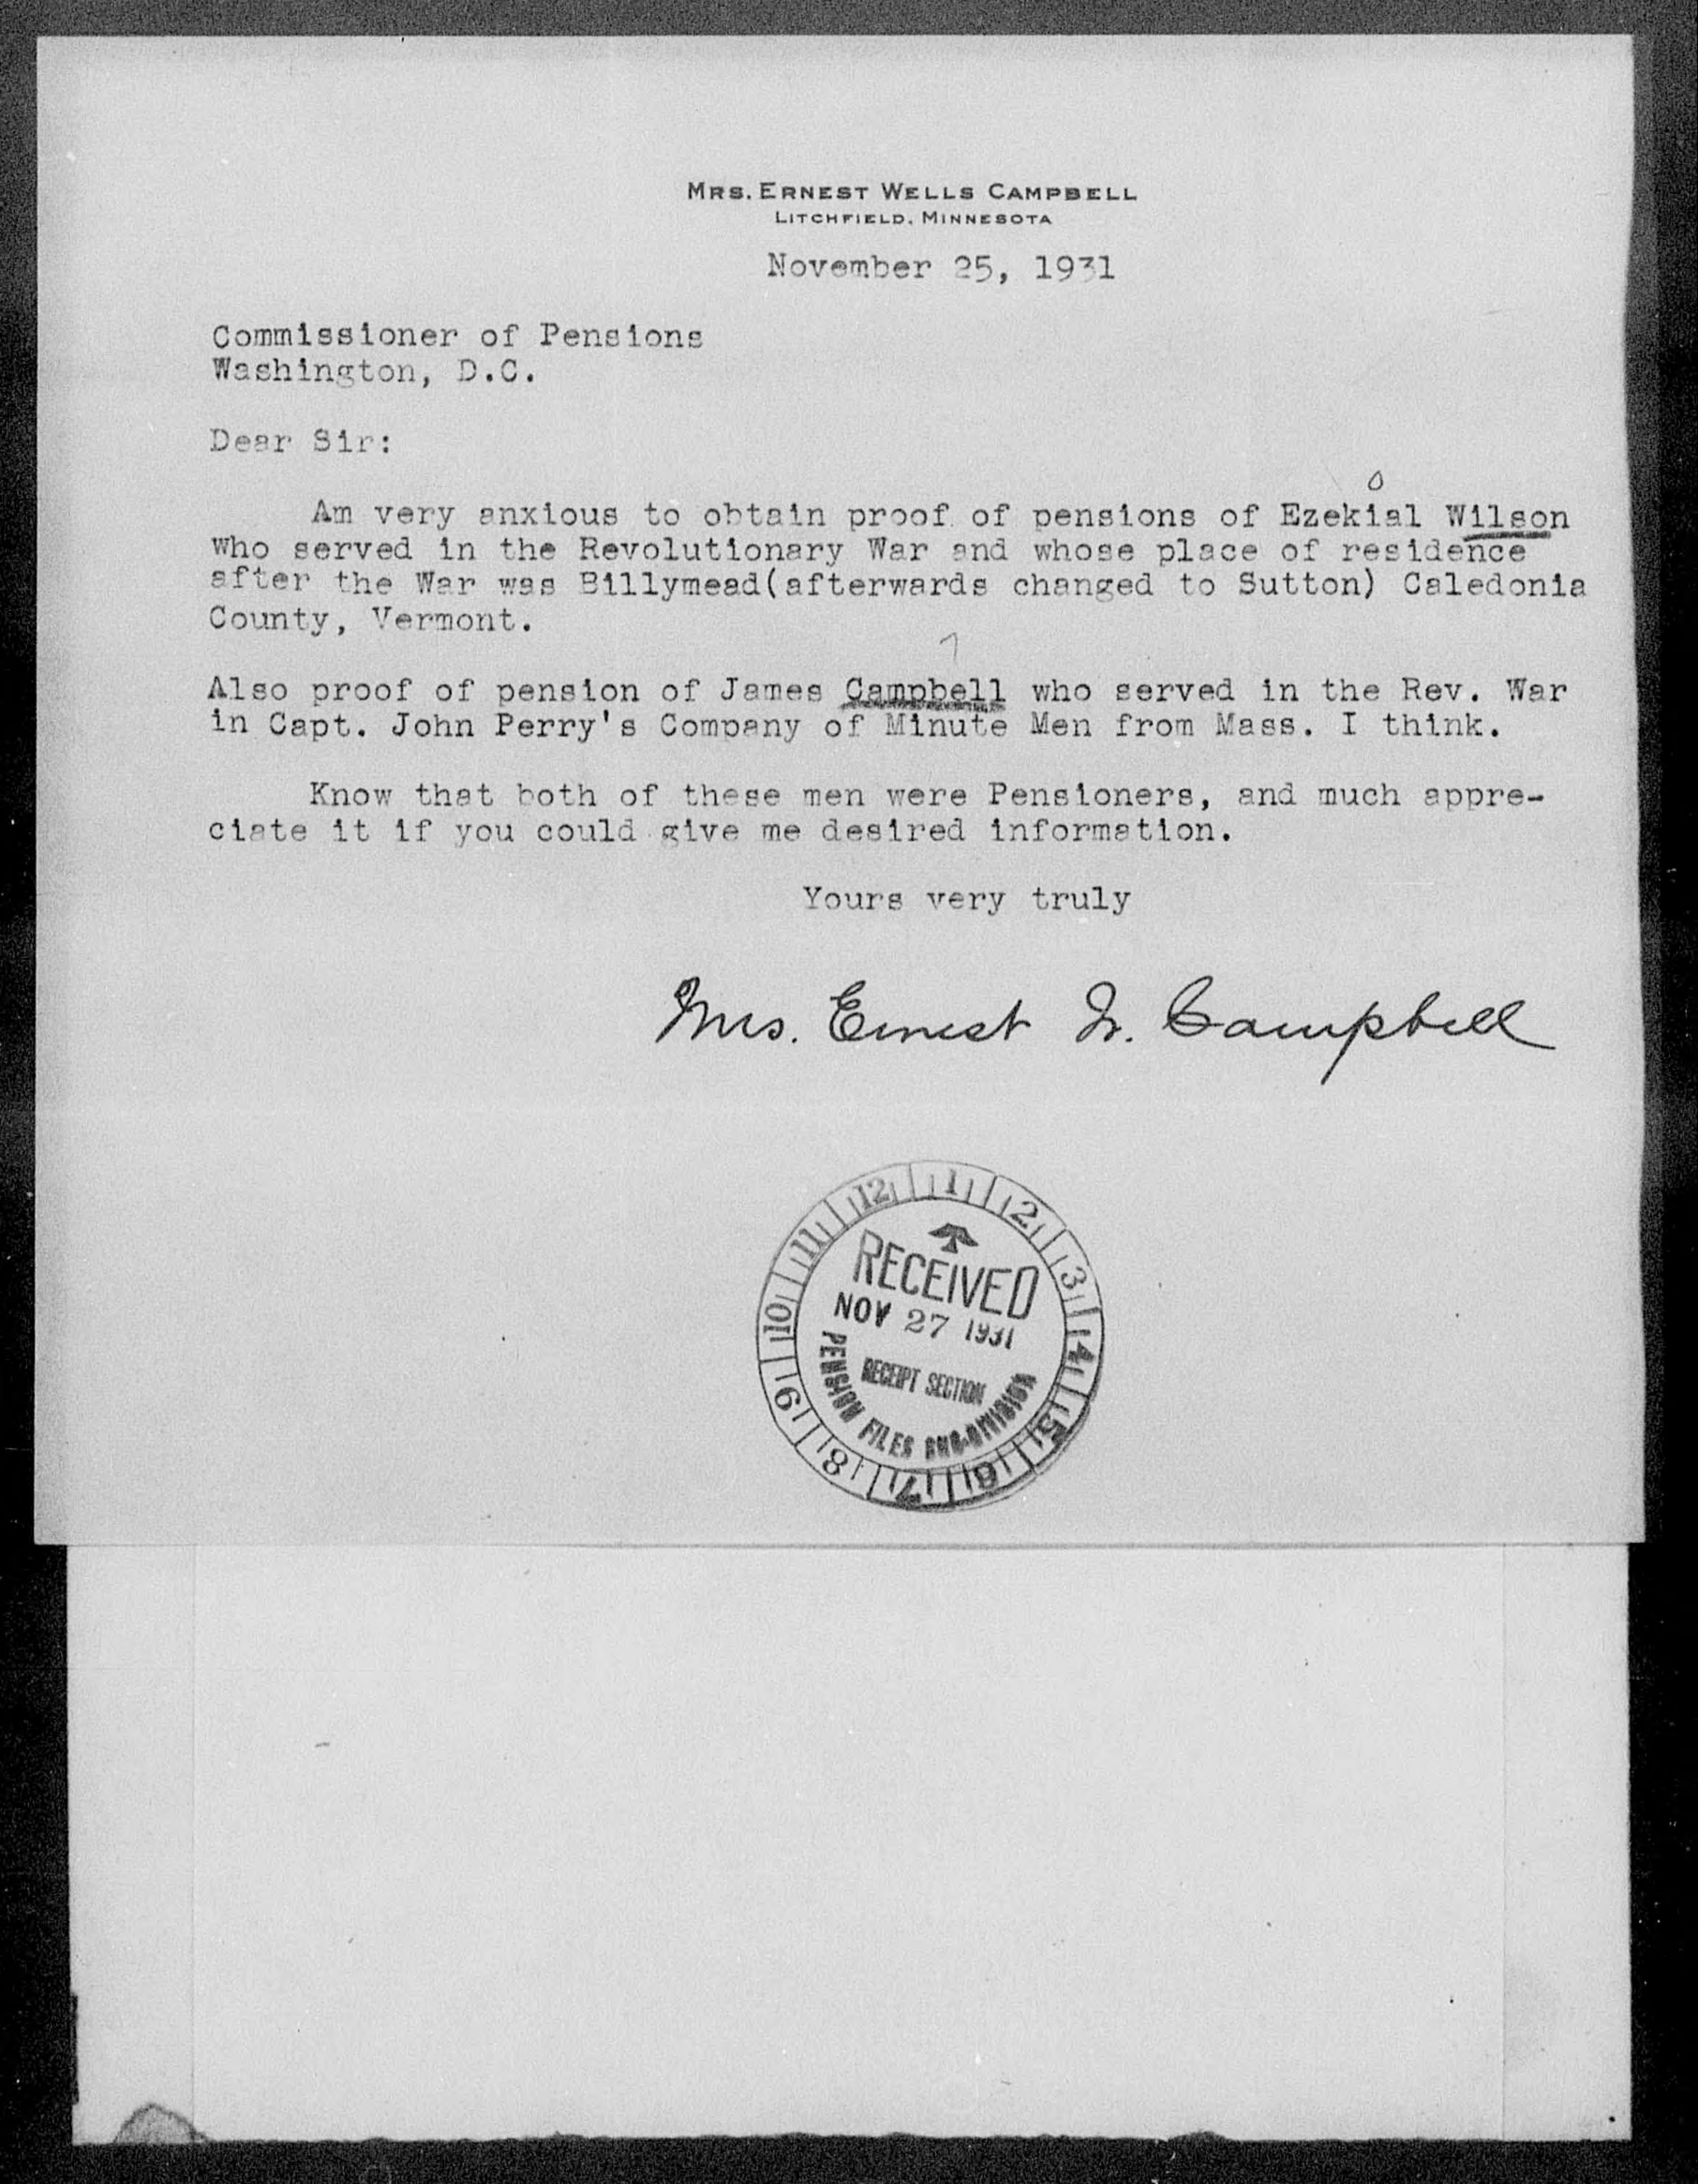MRS. ERNEST WELLS CAMPBELL
LITCHFIELD, MINNESOTA
November 25, 1971

Commissioner of Pensions
Washington, D. C.

Dear Sir:

Am very anxious to obtain proof of pensions of Ezekial Wilson who served in the Revolutionary War and whose place of residence after the War was Billymead (afterwards changed to Sutton) Caledonia County, Vermont.

Also proof of pension of James Campbell who served in the Rev. War in Capt. John Perry's Company of Minute Men from Mass. I think.

Know that both of these men were Pensioners, and much appreciate it if you could give me desired information.

Yours very truly
Mrs. Ernest J. Campbell

(Round Stamp:)
RECEIVED
NOV 27 1931
RECEIPT SECTION
PENSION FILES [illegible] DIVISION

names: James Campbell, Ernest Wells Campbell, Ernest W Campbell, Ezekial Wilson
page: 63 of 67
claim: widow's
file: W. 23772, James Campbell, Continental Mass.